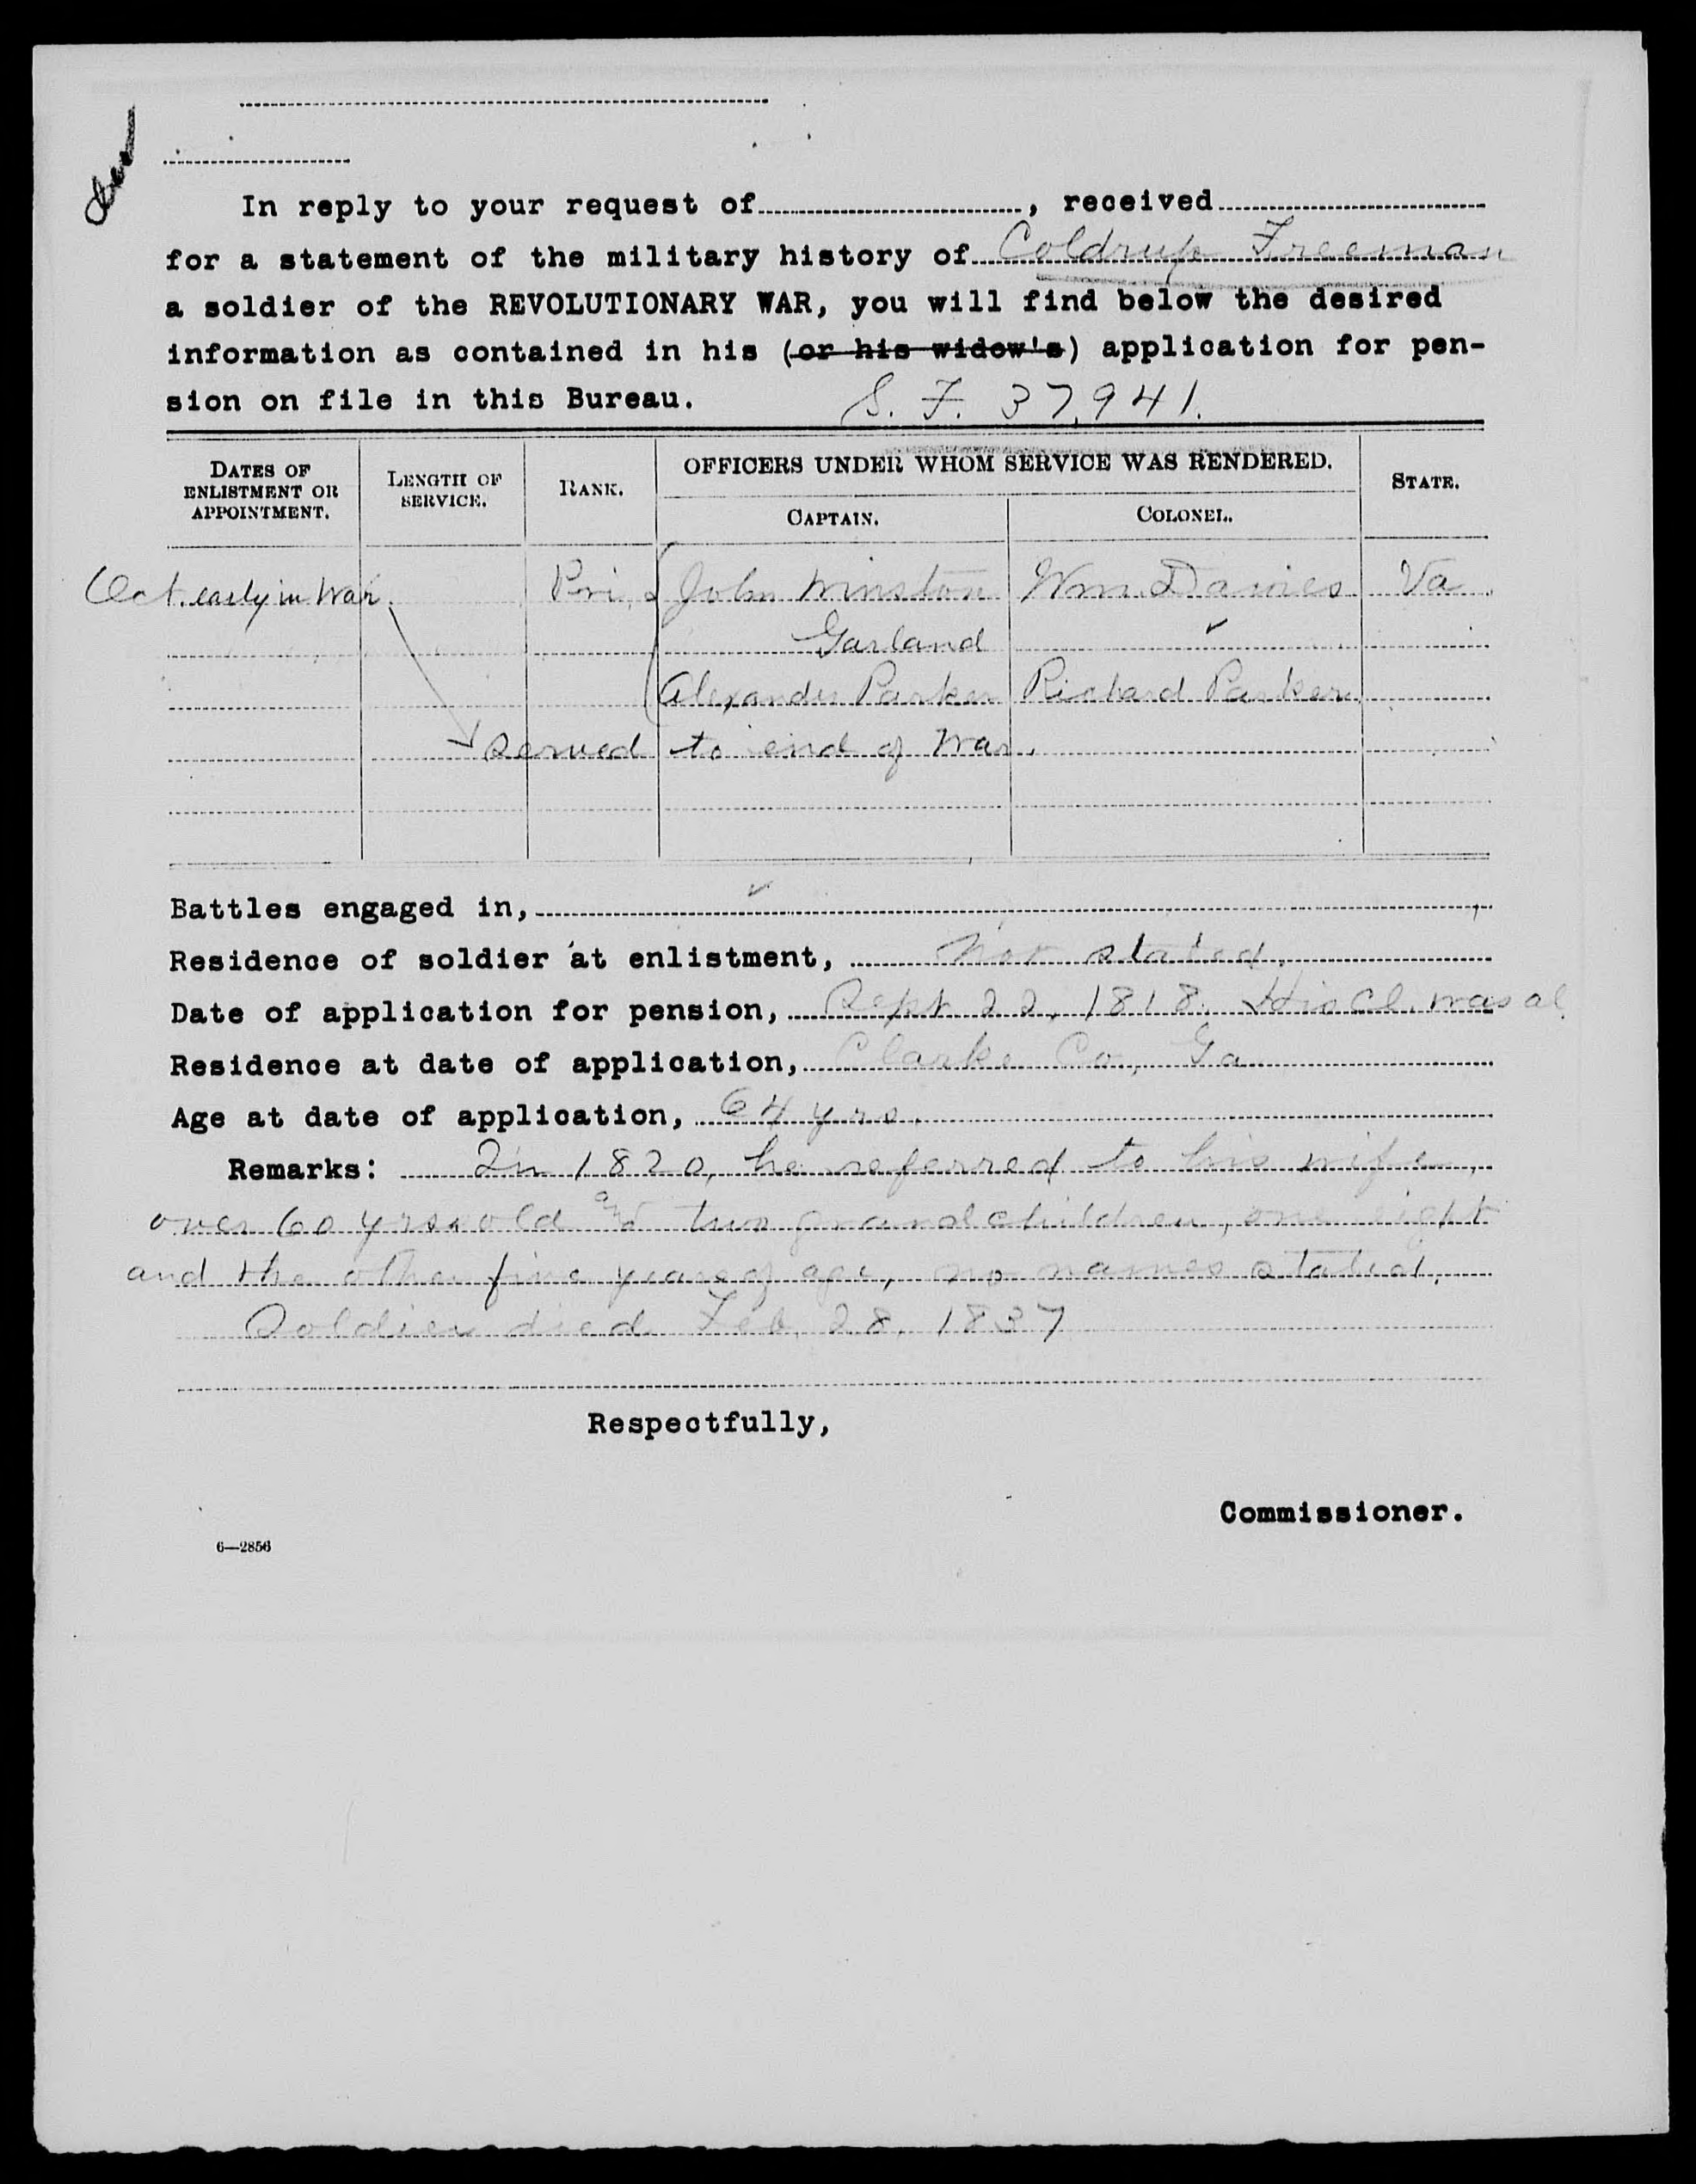In reply to your request of ___________, received ____________ for a statement of the military history of Coldrup Freeman a soldier in the REVOLUTIONARY WAR, you will find below the desired information as contained in his application for pension on file in this Bureau.  S. F. 37,941.

DATES OF ENLISTMENT OR APPOINTMENT.
Oct. early in War served to end of War

LENGTH OF SERVICE.

RANK.
Pri

OFFICERS UNDER WHOM SERVICE WAS RENDERED

CAPTAIN. 
John Winston Garland
Alexander Parker

COLONEL.
Wm. Davies
Richard Parker

STATE.
Va

Battles engaged in, _________
Residence of soldier at enlistment, not stated

Date of application for pension, Sept 22, 1818.  His cl. was at

Residence at date of application, Clarke Co, Ga

Age at date of application:  64 yrs.

Remarks:  In 1820 he referred to his wife over 60 yrs. old and two grandchildren, one eight and the other five years of age, no names stated.
Soldier died Feb. 28. 1837

Respectfully,
Commissioner.

6-2856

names: Richard Parker, John Winston, Wm Davies, Garland, Coldrup Freeman, Alexander Parker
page: 11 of 15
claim: survivor's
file: S. 37,941, Coldrup Freeman, Va.